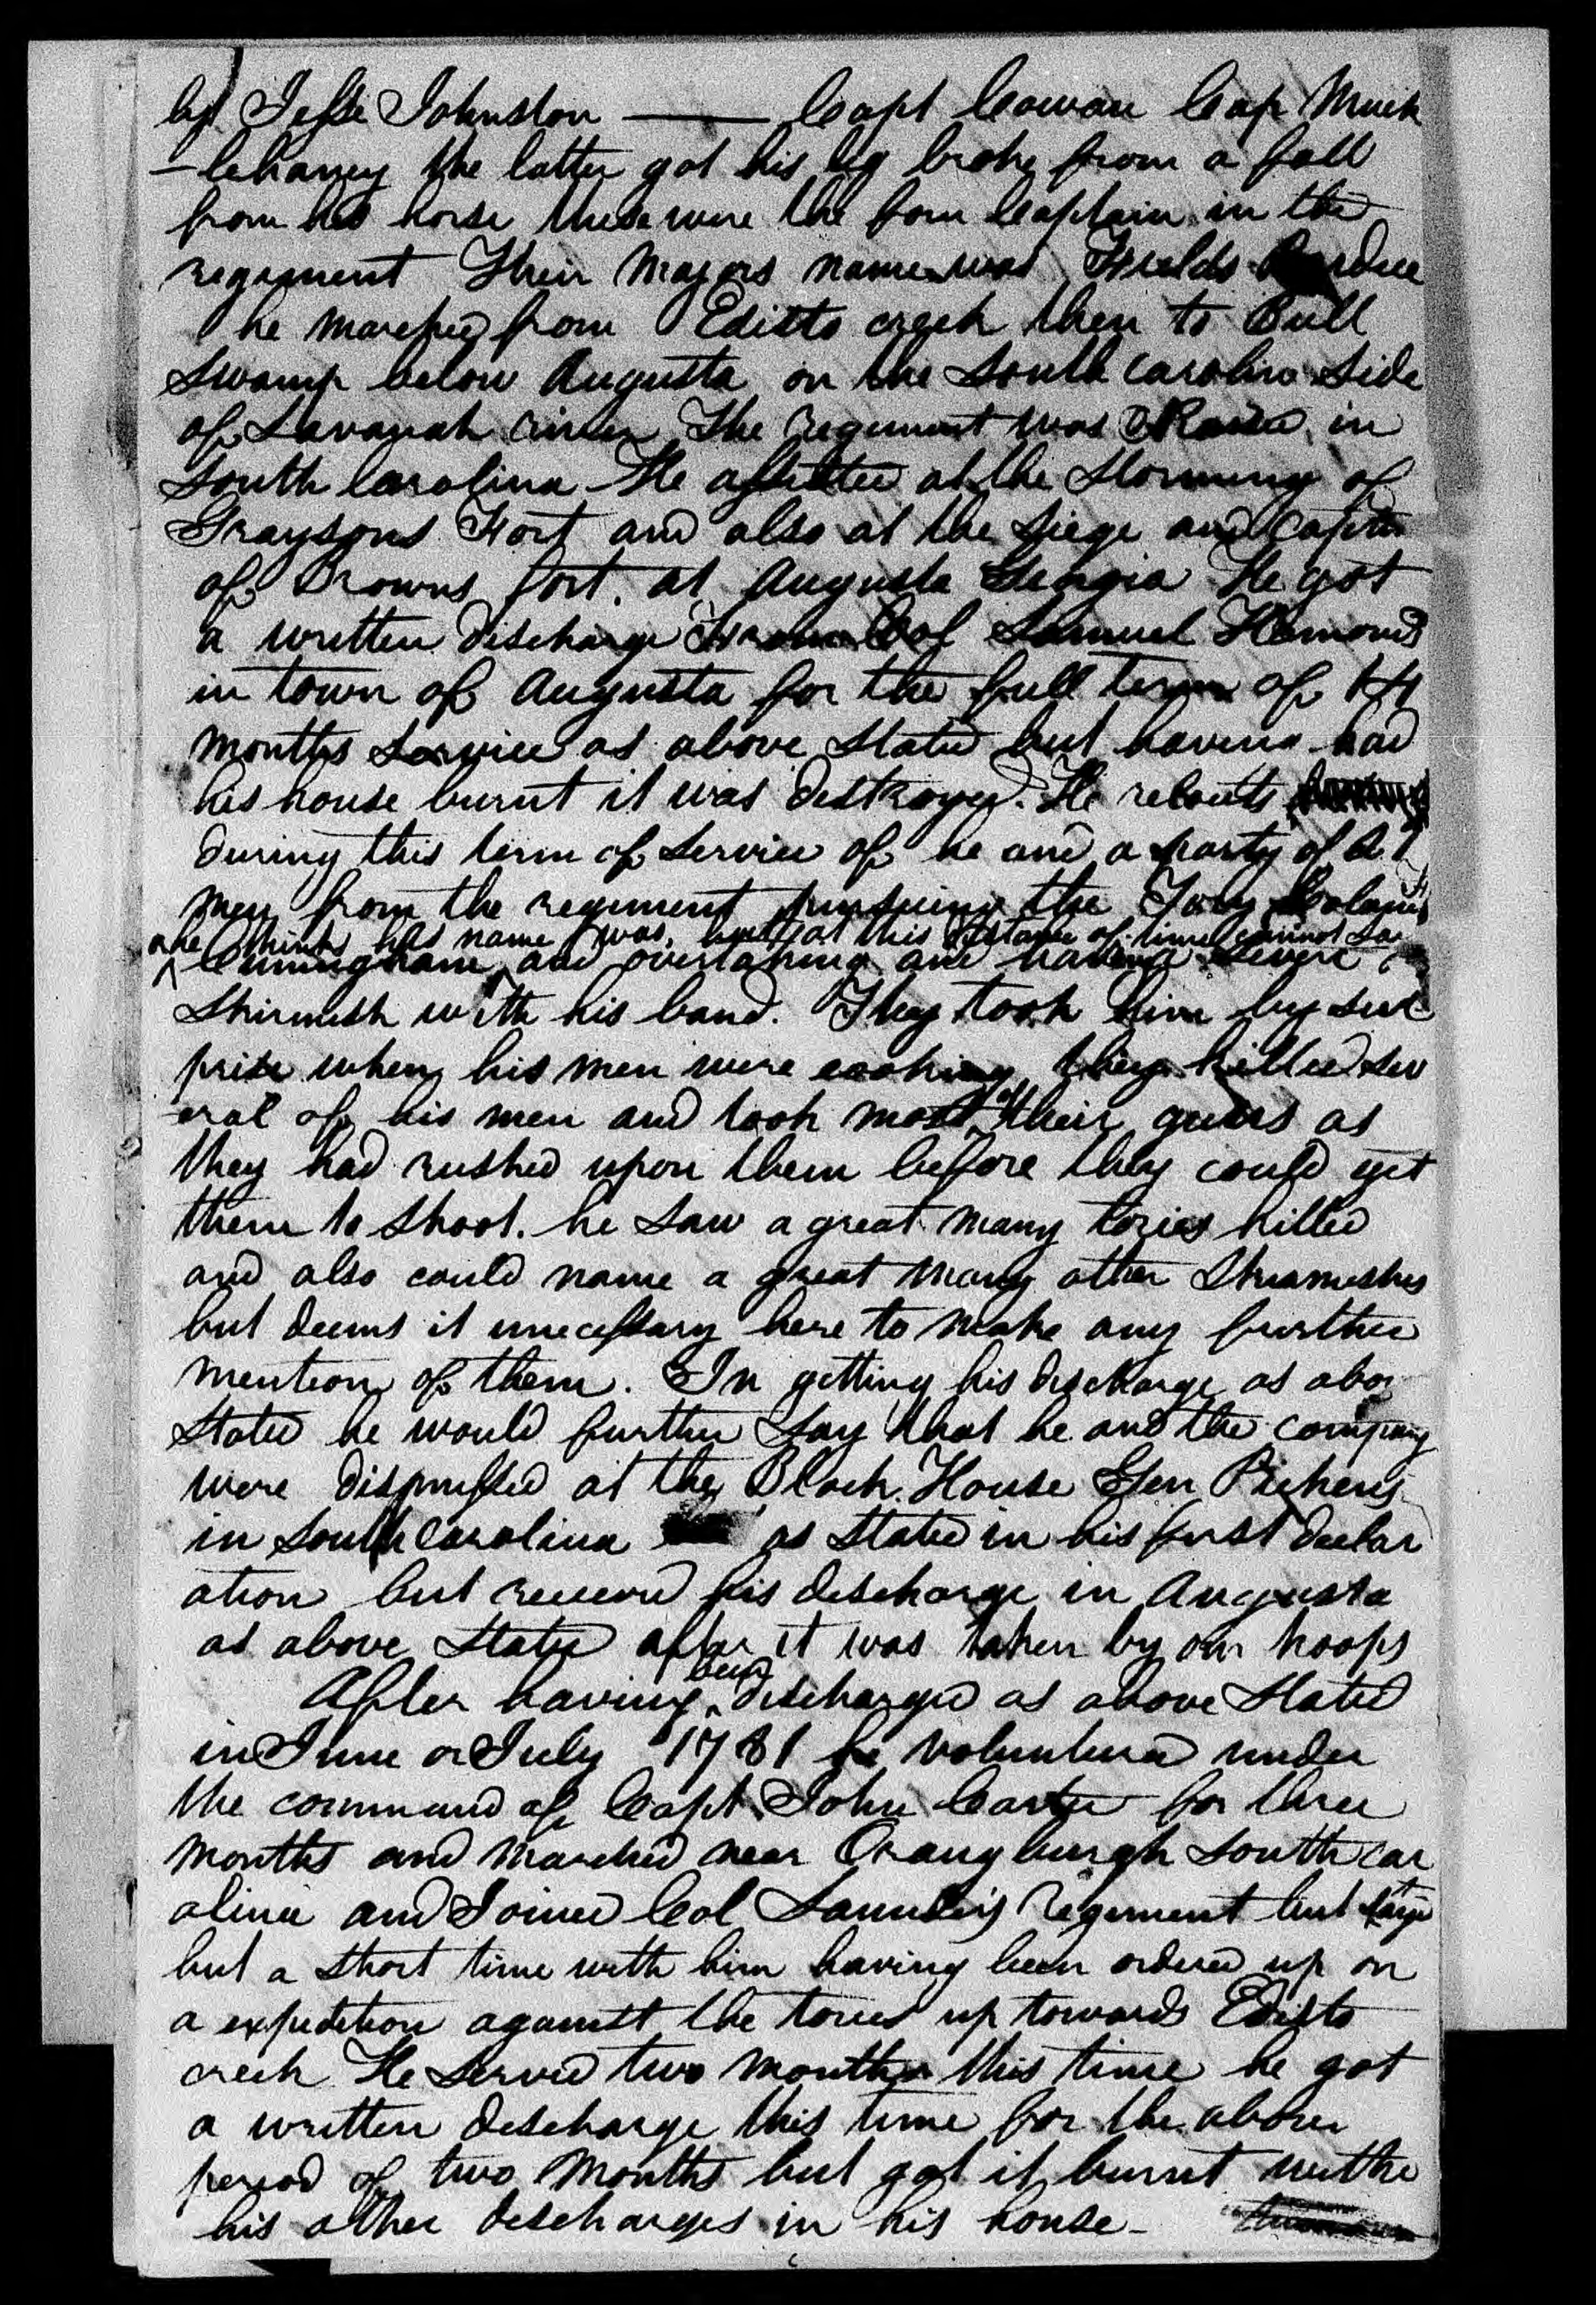Jesse Johnston - Capt Cowan Cap Muckleheny the latter got his leg broke from a fall from his horse these were the four Captain in the Regiment their Majors name was Fields [illegible], he marched from Edisto creek then to Bull Swamp below Augusta on the South Carolina side of Savanah River the regiment was raised in South Carolina. He assisted at the storming of Graysons Fort and also at the Siege and Capture of Browns fort at Augusta Georgia. He got a written discharge of Samuel Hamond in town of Augusta for the full term of 14 months service as above stated but having had
his house burnt it was destroy. He relates during this term of service of the and a party of men from the regiment pursuing the Tory Bloody Cunningham, he thinks his name was by has this distance of time cannot say, and overtaking and having several skirmishes with his band. They took him by surprise when his men were cooking they killed several of his men and took most of their guns as
they had rushed upon them before they could get them to shoot, he saw a great many Tories killed
and also could name a great many other Skirmishes but deems it unnecessary here to make any further mention of them. In getting his discharge as above Stated he would further say that he and the company were dismissed at the Block House Gen Pickens in South Carolina as stated in his first declaration but received his discharge in Augusta as above stated after it was taken by our hoops

After having been discharged as above stated in June or July 1781 he volunteered under the command of Capt John Carter for three months and marched near Orangeburgh South Carolina and Joined Col Saunders Regiment but lay but a short time with him having been ordered upon on a 
expedition against a town up towards Edisto Creek. He served two months this time he got a written discharge this time for the above period of two months but got it burnt with his other discharges in his house-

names: [BLANK] Fields; Samuel Hamonds; Muck Chaney; John Carter; [ILLEGIBLE] Cuningham; [BLANK] Cowan; [BLANK] Pickens; Jesse Johnston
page: 40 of 115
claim: widow's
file: W. 1446, for John Mc Clung, South Carolina